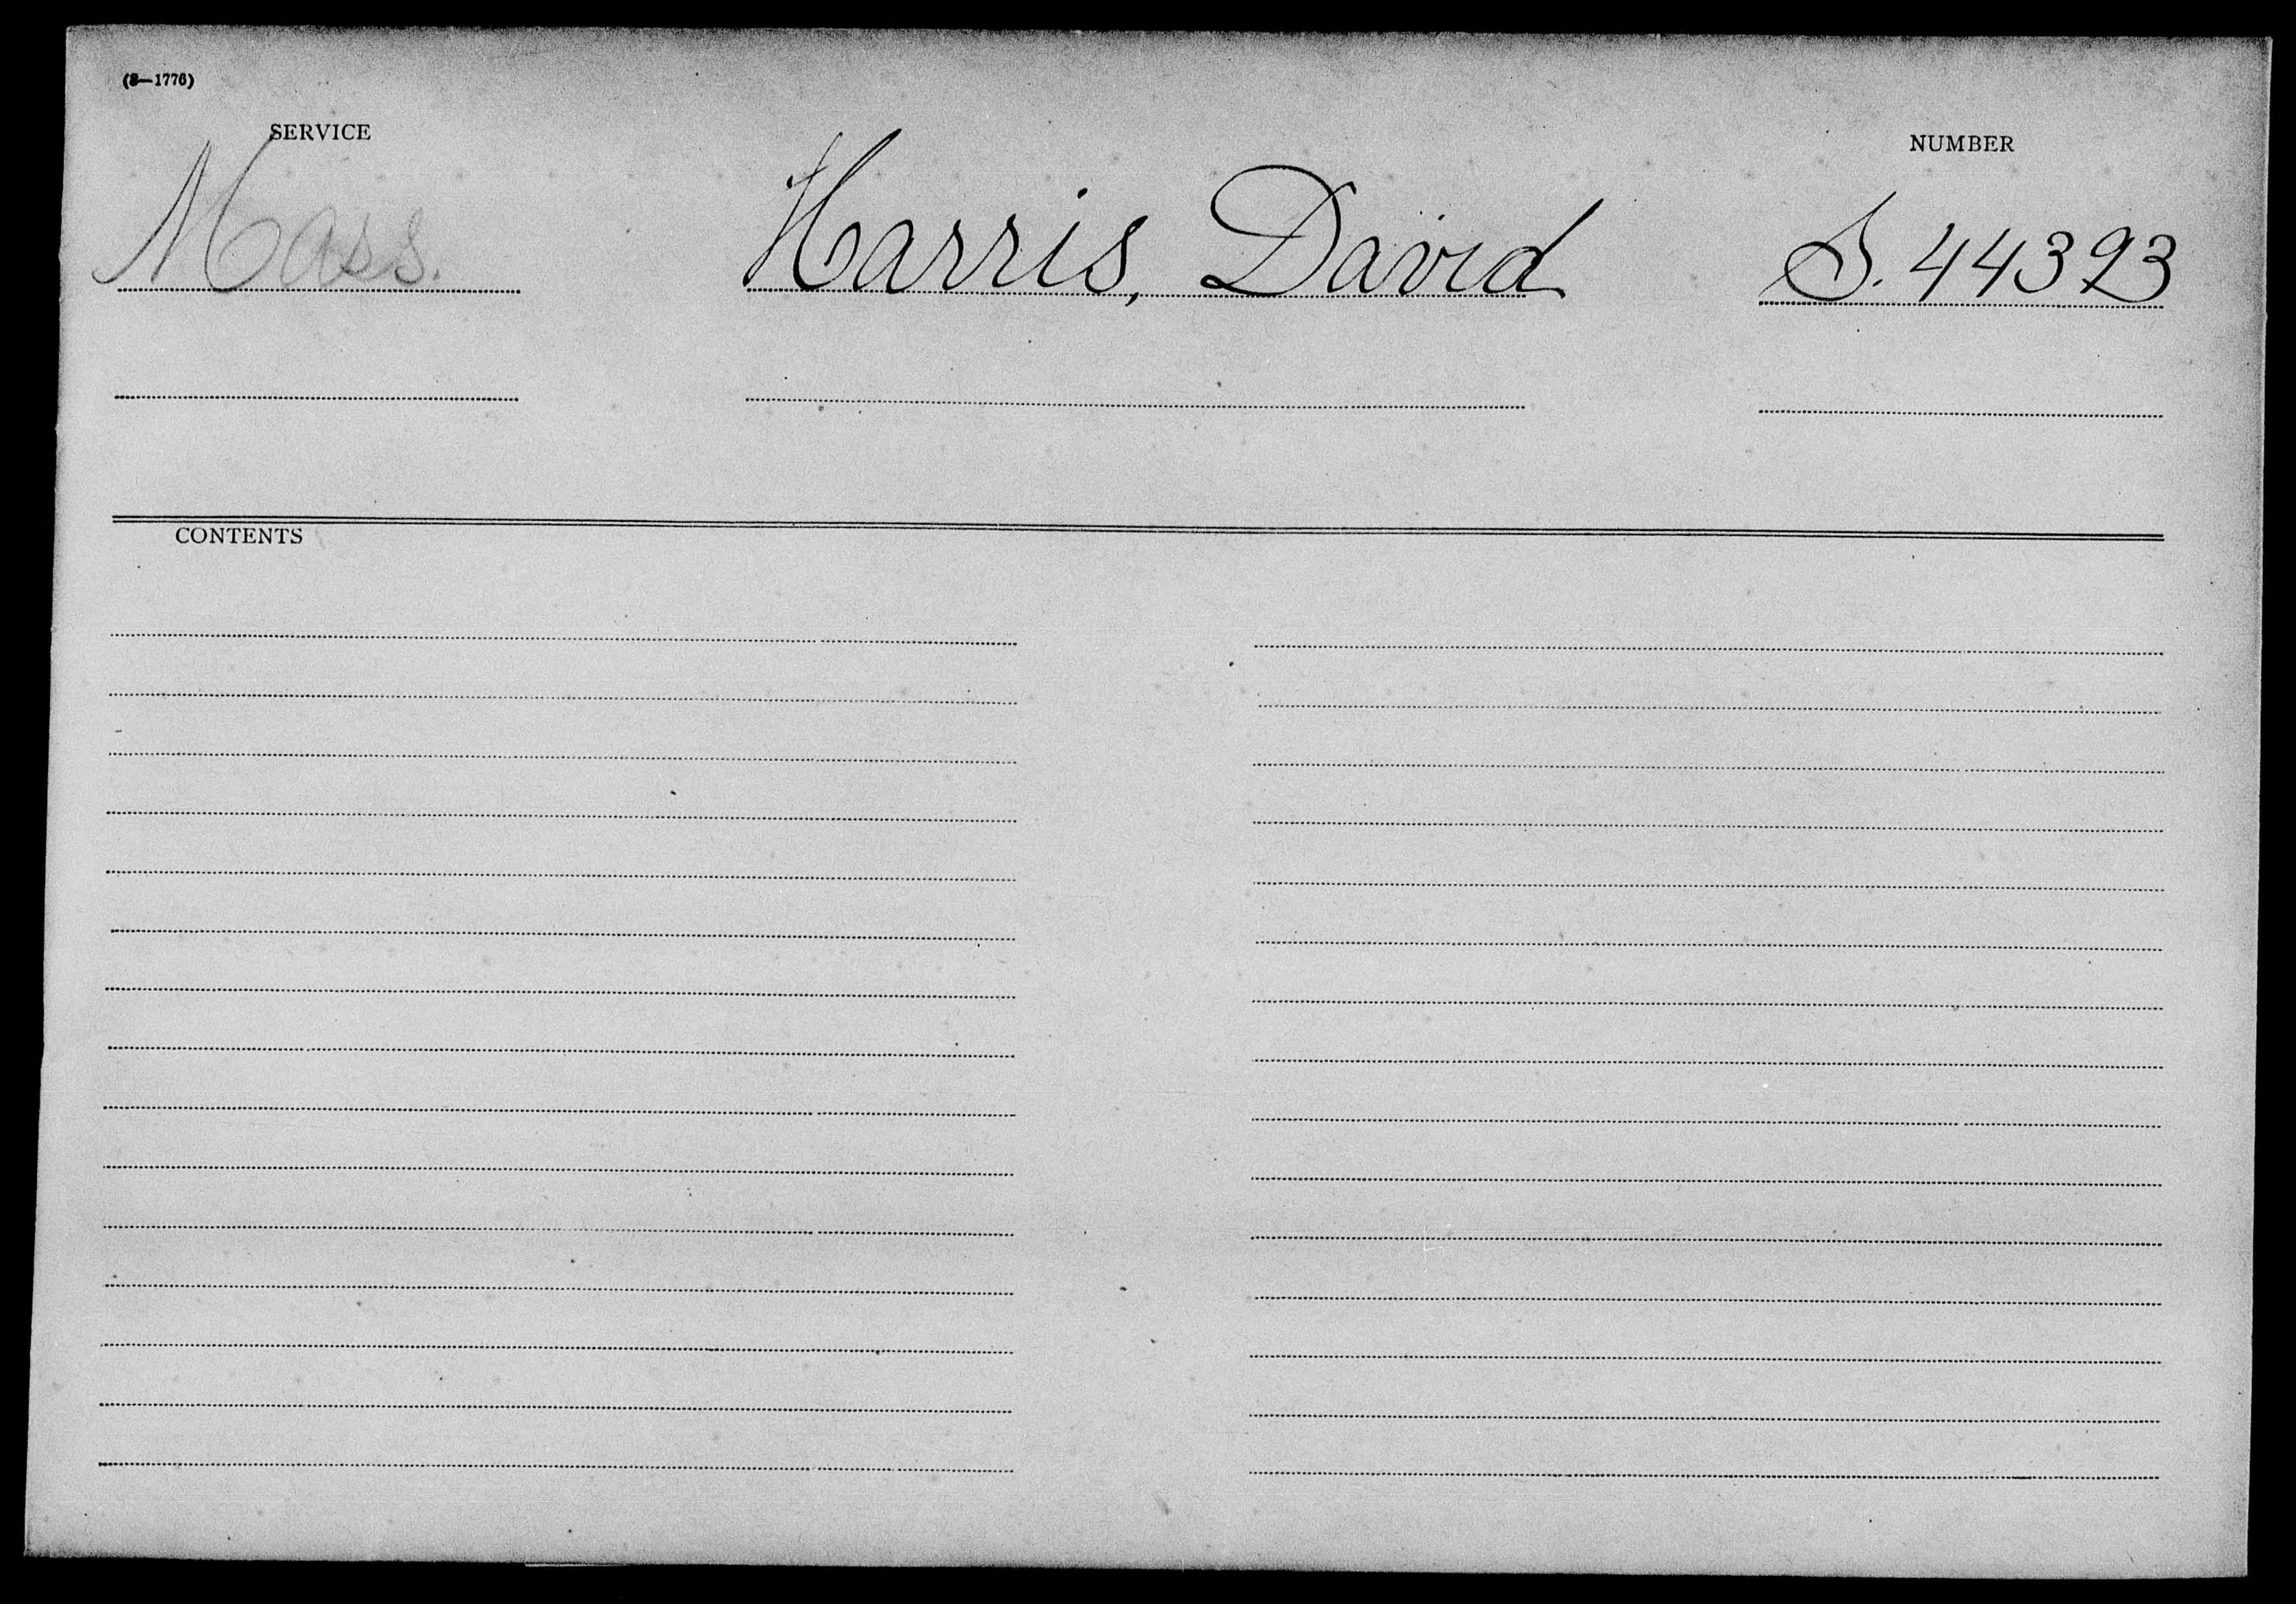Service
Mass

Harris, David

Number
S. 44393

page: 1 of 11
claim: survivor's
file: S. 44393, David Harris, Mass.